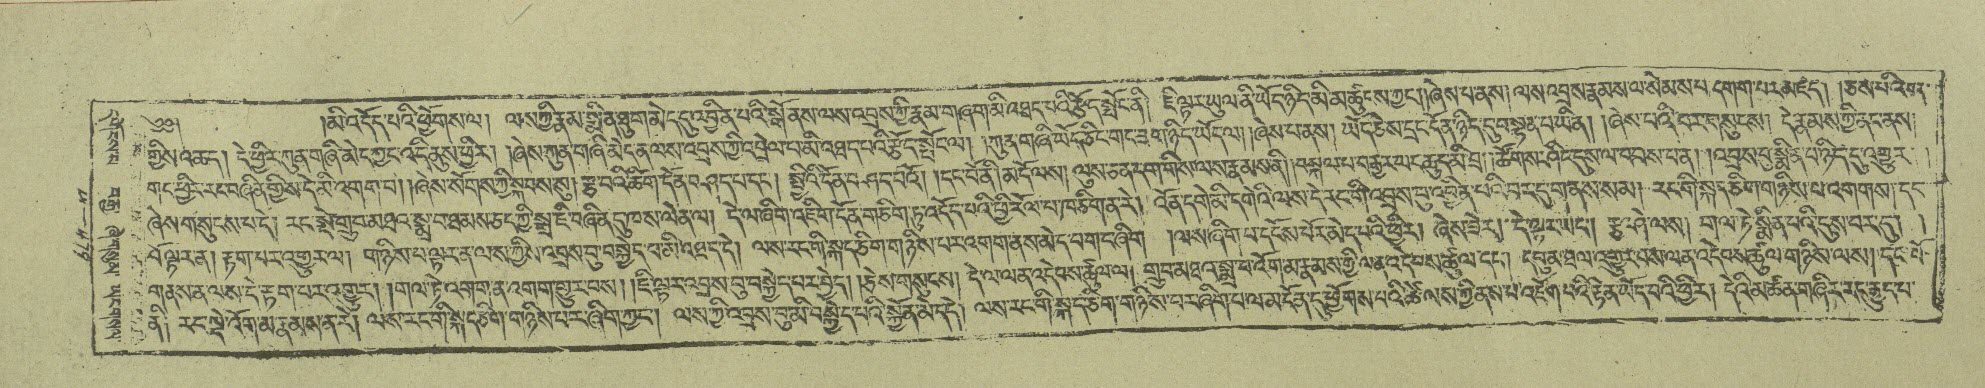༄༅། །མི་འདོད་པའི་ཕྱོགས་ལ། ལས་ཀྱི་རྣམ་སྨིན་ཐུག་མེད་དུ་འབྱིན་པའི་སྒོ་ནས་ལས་འབྲས་ཀྱི་རྣམ་གཞག་མི་འཐད་པའི་རྩོད་སྤོང་ནི། ཇི་ལྟར་ཡུལ་ནི་ཡོད་ཉིད་མི་མཚུངས་ཀྱང་། །ཞེས་པ་ནས། ལས་འབྲས་རྣམས་ལ་སེམས་པ་དགག་པར་མཛད། །ཅེས་པའི་བར་
གྱིས་འཆད། དེ་ཕྱིར་ཀུན་གཞི་མེད་ཀྱང་འདི་ནུས་ཕྱིར། །ཞེས་ཀུན་གཞི་མེད་ན་ལས་འབྲས་ཀྱི་འབྲེལ་བ་མི་འཐད་པའི་རྩོད་སྤོང་ལ། །ཀུན་གཞི་ཡོད་ཅིང་གང་ཟག་ཉིད་ཡོད་ལ། །ཞེས་པ་ནས། ཡོད་ཅེས་དྲང་དོན་ཉིད་དུ་བསྟན་པ་ཡིན། །ཞེས་པའི་བར་གསུངས། །དེ་རྣམས་ཀྱི་ནང་ནས།
གང་ཕྱིར་རང་བཞིན་གྱིས་དེ་མི་འགག་པ། །ཞེས་སོགས་ཀྱི་སྐབས་སུ། རྩ་བའི་ཚིག་དོན་བཤད་པ་དང་། སྤྱིའི་དོན་བཤད་པའོ། །དང་པོ་ནི། མདོ་ལས། ལུས་ཅན་དག་གིས་ལས་རྣམས་ནི། །བསྐལ་བ་བརྒྱར་ཡང་ཆུད་མི་བྲ། །ཚོགས་ཤིང་དུས་ལ་བབས་པ་ན། །འབྲས་བུ་སྨིན་པ་ཉིད་དུ་འགྱུར། །
ཞེས་གསུངས་པ་དེ། རང་སྡེ་གྲུབ་མཐའ་སྨྲ་བ་ཐམས་ཅད་ཀྱི་སྒྲ་ཇི་བཞིན་དུ་ཁས་ལེན་ལ། དེ་ལ་ཞིག་འཇིག་དོན་གཅིག་ཏུ་འདོད་པའི་ཕྱིར་རོལ་པ་ཁ་ཅིག་ན་རེ། འོ་ན་དགེ་མི་དགེའི་ལས་དེ་རང་གི་འབྲས་བུ་འབྱིན་པའི་བར་དུ་གནས་སམ། རང་གི་སྐད་ཅིག་གཉིས་པ་འགགས། དང་
པོ་ལྟར་ན། རྟག་པར་འགྱུར་ལ། གཉིས་པ་ལྟར་ན་ལས་ཀྱིས་འབྲས་བུ་བསྐྱེད་པ་མི་འཐད་དེ། ལས་རང་གི་སྐད་ཅིག་གཉིས་པར་འགག་ནས་མེད་པ་གང་ཞིག །ལས་ཞིག་པ་དངོས་པོར་མེད་པའི་ཕྱིར། ཞེས་ཟེར། དེ་ལྟར་ཡང་། རྩ་ཤེས་ལས། གལ་ཏེ་སྨིན་པའི་དུས་བར་དུ།།
གནས་ན་ལས་དེ་རྟག་པར་འགྱུར། །གལ་ཏེ་འགག་ན་འགག་གྱུར་པས། །ཇི་ལྟར་འབྲས་བུ་བསྐྱེད་པར་བྱེད། །ཅེས་གསུངས། དེ་ལ་ལན་འདེབས་ཚུལ་ལ། གྲུབ་མཐའ་སྨྲ་བ་འོག་མ་རྣམས་ཀྱི་ལན་འདེབས་ཚུལ་དང་། དབུ་མ་ཐལ་འགྱུར་བས་ལན་འདེབས་ཚུལ་གཉིས་ལས། དང་པོ་
ནི། རང་སྡེ་འོག་མ་རྣམས་ན་རེ། ལས་རང་གི་སྐད་ཅིག་གཉིས་པར་ཞིག་ཀྱང་། ལས་ཀྱི་འབྲས་བུ་མི་བསྐྱེད་པའི་སྐྱོན་མེད་དེ། ལས་རང་གི་སྐད་ཅིག་གཉིས་པར་ཞིག་པ་ལ་མངོན་དུ་ཕྱོགས་པའི་ཚེ་ལས་ཀྱི་ནུས་པ་འཇོག་པའི་རྟེན་ཡོད་པའི་ཕྱིར། དེའི་མཚན་གཞིར་རང་རྒྱུད་པ་